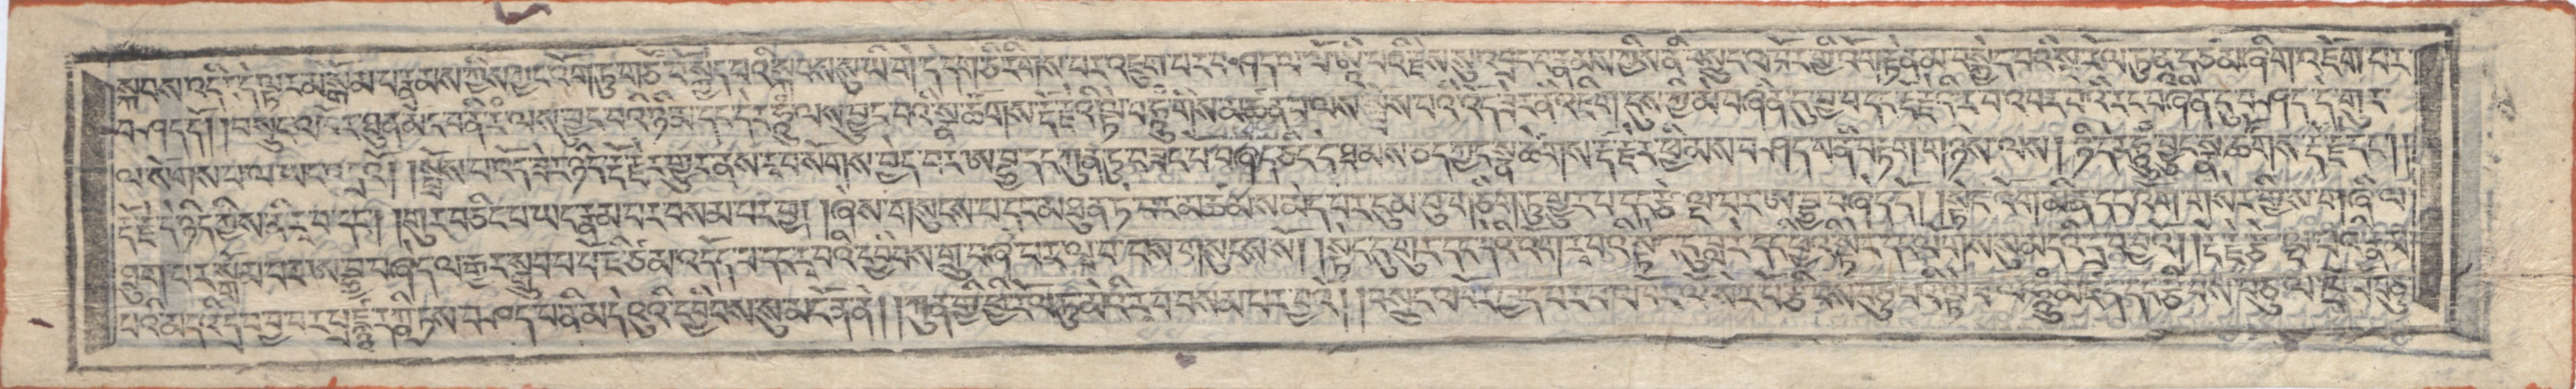སྐབས་འདིར་དེ་ལྟར་མེ་སྒོམ་པ་རྣམས་ཀྱིས་ཀྱང་འོག་ཏུ་གཙོ་བོ་སྐྱེད་པའི་སྐབས་སུ་ཡི་གེ་དེ་དག་ཅི་རིགས་པར་འཇུག་པར་བཤད་ལ་ལོ་ཨཱི་པའི་རྗེས་སུ་འབྲང་བ་རྣམས་ཀྱིས་ནི་བསྲུང་འཁོར་གྱི་འོག་རྟེན་མ་བསྐྱེད་པའི་སྔ་རོལ་ཏུ་ནཱ་ད་ཙམ་ཞིག་འཇོག་པར་
བཤད་དོ། །བསྲུང་འཁོར་ཐུན་མོང་བ་ནི་རཾ་ལས་བྱུང་བའི་ཉི་མ་དང་དེར་ཧཱུཾ་ལས་བྱུང་བའི་སྣ་ཚོགས་རྡོ་རྗེའི་ལྟེ་བ་ཧཱུཾ་གིས་མཚན་པ་ལས་སྤྲོས་པའི་འོད་ཟེར་ནི་འཇིག་དུས་ཀྱི་མེ་བཞིན་དུ་བྱ་བ་དང་རྡོ་རྗེའི་ར་བ་འབར་བའི་རང་བཞིན་དུ་བཤད་དེ་གུར་
ལ་སོགས་པ་ལ་ཡང་འདྲའོ། །སྤྲོས་པ་འོད་ཟེར་ཉིད་རྡོ་རྗེར་གྱུར་ནས་རྭ་བ་སོགས་བྱེད་བྤར་ཨ་བྷྱ་དང་ཀུན་ཏུ་བཟང་པ་བཞེད་ཅིང་དེ་ཐམས་ཅད་ཀྱང་སྣ་ཚོགས་རྡོ་རྗེར་ཕྱི་མས་བཤད་པ་ནི་བརྟག་གཉིས་ལས། ཉི་དེར་ཧཱུཾ་བྱུང་སྣ་ཚོགས་རྡོ་རྗེ་དང་། །
རྡོ་རྗེ་དེ་ཉིད་ཀྱི་ས་ནི་རྭ་བ་དང་། །གུར་བཅིང་པ་ཡང་རྣམ་པར་བསམ་པར་བྱ། །ཞེས་གསུངས་པ་དང་མཐུན་ཏེ་བར་མཚམས་མེད་པར་དུམ་བུ་གཅིག་ཏུ་གྱུར་པ་དང་རྩེ་ལྔ་པར་ཨ་བྷྱ་བཞེད་དོ། །སྟེང་འོག་མིན་དང་འོག་གསེར་གྱི་ས་གཞི་ལ་
ཐུག་པར་སྒོམ་པར་ཨ་བྷྱ་བཞེད་ལ་རྒྱར་སྒྲུབ་པ་པོ་ཇི་ཙམ་འདོད་པ་དང་རྭ་བའི་དབྱིབས་གྲུ་བཞི་པར་ལྭ་བ་པས་གསུངས་སོ། །སྟེང་དུ་གུར་དང་དེའི་འོག་རྭ་བའི་སྟེང་དུ་བླ་རེ་དང་ཕྱིའི་སྟེང་དང་ལོགས་སུ་མདའི་དྲ་བ་བྱའོ། །རྡོ་རྗེ་རྩེ་ལྔ་པའི་རྣམ་
པའི་མདའི་དྲ་བ་བྱ་བར་པྲཛྙཱ་རཀྵི་ཏས་བཤད་པ་ནི་མདོ་འུའི་དབྱིབས་སུ་མངོན་ནོ། །ཀུན་གྱི་ཕྱི་རོལ་ཏུ་མེའི་རྭ་བ་བསམ་པར་བྱའོ། །བསྲུང་འཁོར་ཁྱད་པར་བ་འཁོར་ལོ་སེར་པོ་རྩི་བས་བཅུ་པའི་ལྟེ་བ་ལ་ཧཱུཾ་མཛད་དང་རྩིབས་བཅུ་ལ་ཁྲོ་བོ་བཅུ་